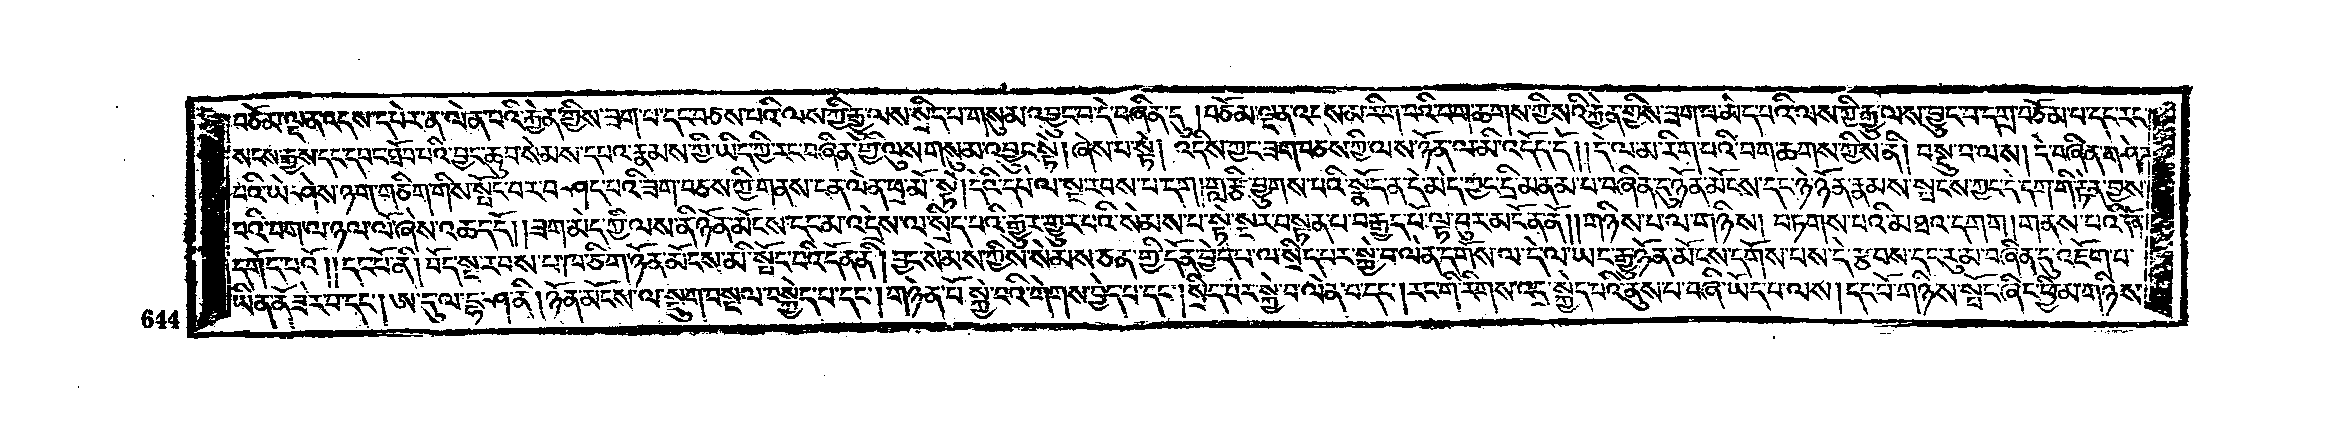བཅོམ་ལྡན་འདས་དཔེར་ན་ལེན་པའི་རྐྱེན་གྱིས་ཟག་པ་དང་བཅས་པའི་ལས་ཀྱི་རྒྱུ་ལས་སྲིད་པ་གསུམ་འབྱུང་བ་དེ་བཞིན་དུ། བཅོམ་ལྡན་འདས་མ་རིག་པའི་བག་ཆགས་ཀྱི་སའི་རྐྱེན་གྱིས་ཟག་པ་མེད་པའི་ལས་ཀྱི་རྒྱུ་ལས་བྱུང་བ་དགྲ་བཅོམ་པ་དང་རང་
སངས་རྒྱས་དང་དབང་ཐོབ་པའི་བྱང་ཆུབ་སེམས་དཔའ་རྣམས་ཀྱི་ཡིད་ཀྱི་རང་བཞིན་གྱི་ལུས་གསུམ་འབྱུང་སྟེ། ཞེས་པ་སྟེ། འདིས་ཀྱང་ཟག་བཅས་ཀྱི་ལས་ཉོན་ལ་མི་འདོད་དོ། །དེ་ལ་མ་རིག་པའི་བག་ཆགས་ཀྱིས་ནི། བསྡུ་བ་ལས། དེ་བཞིན་གཤེགས་
པའི་ཡེ་ཤེས་ཉག་གཅིག་གིས་སྤོང་བར་བཤད་པའི་ཟག་བཅས་ཀྱི་གནས་ངན་ལེན་ཕྲ་མོ་སྟེ། དེའི་དཔེ་ལ་སྔ་རབས་པ་དག །གླ་རྩི་བྱུགས་པའི་སྣོད་ན་དེ་མེད་ཀྱང་དྲི་མ་ནམ་པ་བཞིན་དུ་ཉོན་མོངས་དང་ཉེ་ཉོན་རྣམས་སྤངས་ཀྱང་དེ་དག་གི་རྟེན་བྱས་
པའི་བག་ལ་ཉལ་ལོ་ཞེས་འཆད་དོ། །ཟག་མེད་ཀྱི་ལས་ནི་ཉོན་མོངས་དང་མ་འདྲེས་ལ་སྲིད་པའི་རྒྱུར་གྱུར་པའི་སེམས་པ་སྟེ་སྔར་བསྟན་པ་བརྒྱད་པོ་ལྟ་བུར་མངོན་ནོ། །གཉིས་པ་ལ་གཉིས། བཏགས་པའི་མཐའ་དགག །གནས་པའི་དོན་
དགོད་པའོ། །དང་པོ་ནི། བོད་སྔ་རབས་པ་ཁ་ཅིག་ཉོན་མོངས་མི་སྤོང་བའི་དོན་ནི། བྱང་སེམས་ཀྱིས་སེམས་ཅན་གྱི་དོན་བྱེད་པ་ལ་སྲིད་པར་སྐྱེ་བ་ལེན་དགོས་ལ་དེ་ལ་ཡང་རྒྱུ་ཉོན་མོངས་དགོས་པས་དེ་རྩབས་དང་རུ་མ་བཞིན་དུ་འཇོག་པ་
ཡིན་ནོ་ཟེར་བ་དང་། ཨ་དུ་ལ་དྷ་ཤ་ནི། ཉོན་མོངས་ལ་སྡུག་བསྔལ་བསྐྱེད་པ་དང་། གཉེན་པོ་སྐྱེ་བའི་གེགས་བྱེད་པ་དང་། སྲིད་པར་སྐྱེ་བ་ལེན་པ་དང་། རང་གི་རིགས་འདྲ་སྐྱེད་པའི་ནུས་པ་བཞི་ཡོད་པ་ལས། དང་པོ་གཉིས་སྤོང་ཞིང་ཕྱི་མ་གཉིས་